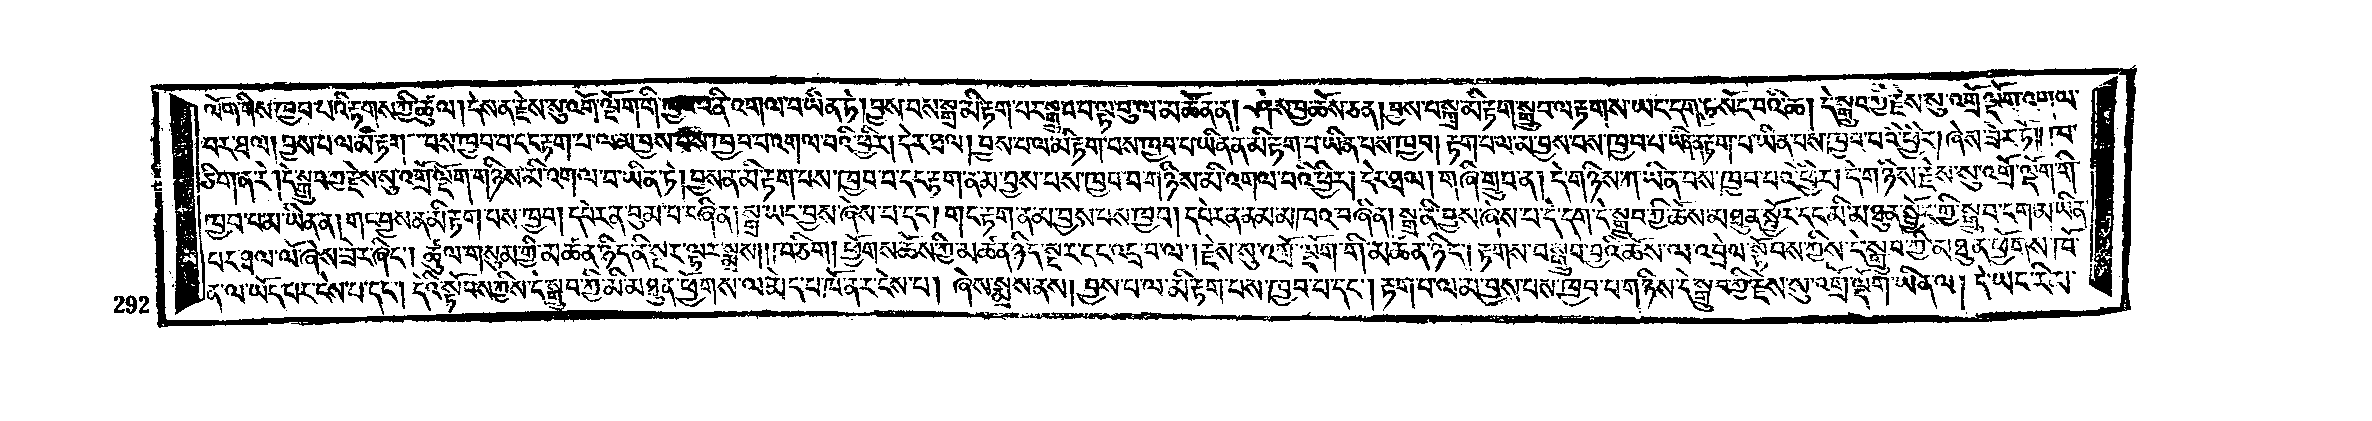ལོག་གིས་ཁྱབ་པའི་རྟགས་ཀྱི་ཚུལ། དེས་ན་རྗེས་སུ་འགྲོ་ལྡོག་གི་ཁྱབ་པ་ནི་འགལ་བ་ཡིན་ཏེ། བྱས་པས་སྒྲ་མི་རྟག་པར་སྒྲུབ་པ་ལྟ་བུ་ལ་མཚོན་ན། ཤེས་བྱ་ཆོས་ཅན། བྱས་པ་སྒྲ་མི་རྟག་སྒྲུབ་ལ་རྟགས་ཡང་དག་ཏུ་སོང་བའི་ཚེ། དེ་སྒྲུབ་ཀྱི་རྗེས་སུ་འགྲོ་ལྡོག་འགལ་
བར་ཐལ། བྱས་པ་ལ་མི་རྟག་པས་ཁྱབ་པ་དང་རྟག་པ་ལ་མ་བྱས་པས་ཁྱབ་པ་འགལ་བའི་ཕྱིར། དེར་ཐལ། བྱས་པ་ལ་མི་རྟག་པས་ཁྱབ་པ་ཡིན་ན་མི་རྟག་པ་ཡིན་པས་ཁྱབ། རྟག་པ་ལ་མ་བྱས་པས་ཁྱབ་པ་ཡིན་ན་རྟག་པ་ཡིན་པས་ཁྱབ་པའི་ཕྱིར། ཞེས་ཟེར་ཏོ། །ཁ་
ཅིག་ན་རེ། དེ་སྒྲུབ་ཀྱི་རྗེས་སུ་འགྲོ་ལྡོག་གཉིས་མི་འགལ་བ་ཡིན་ཏེ། བྱས་ན་མི་རྟག་པས་ཁབ་བ་དང་རྟག་ན་མ་བྱས་པས་ཁྱབ་བ་གཉིས་མི་འགལ་བའི་ཕྱིར། དེར་ཐལ། གཞི་གྲུབ་ན། དེ་གཉིས་ཀ་ཡིན་པས་ཁྱབ་པའི་ཕྱིར། དེ་གཉིས་རྗེས་སུ་འགྲོ་ལྡོག་གི་
ཁྱབ་པ་མ་ཡིན་ན། གང་བྱས་ན་མི་རྟག་པས་ཁྱབ། དཔེར་ན་བུམ་པ་བཞིན། སྒྲ་ཡང་བྱས་ཞེས་པ་དང་། གང་རྟག་ན་མ་བྱས་པས་ཁྱབ། དཔེར་ན་ནམ་མཁའ་བཞིན། སྒྲ་ནི་བྱས་ཞེས་པ་དེ་དག་དེ་སྒྲུབ་ཀྱི་ཆོས་མཐུན་སྦྱོར་དང་མི་མཐུན་སྦྱོར་གྱི་སྒྲུབ་ངག་མ་ཡིན་
པར་ཐལ་ལོ་ཞེས་ཟེར་ཞིང་། ཚུལ་གསུམ་གྱི་མཚན་ཉིད་ནི་སྔར་ལྟར་སྨྲས། །ཁ་ཅིག། ཕྱོགས་ཆོས་ཀྱི་མཚན་ཉིད་སྔར་དང་འདྲ་བ་ལ། རྗེས་སུ་འགྲོ་ལྡོག་གི་མཚན་ཉིད། རྟགས་བསྒྲུབ་བྱའི་ཆོས་ལ་འབྲེལ་སྟོབས་ཀྱིས་དེ་སྒྲུབ་ཀྱི་མཐུན་ཕྱོགས་ཁོ་
ན་ལ་ཡོད་པར་ངེས་པ་དང་། དེའི་སྟོབས་ཀྱིས་དེ་སྒྲུབ་ཀྱི་མི་མཐུན་ཕྱོགས་ལ་མེད་པ་ཁོ་ནར་ངེས་པ། ཞེས་སྨྲས་ནས། བྱས་པ་ལ་མི་རྟག་པས་ཁྱབ་པ་དང་། རྟག་པ་ལ་མ་བྱས་པས་ཁྱབ་པ་གཉིས་དེ་སྒྲུབ་ཀྱི་རྗེས་སུ་འགྲོ་ལྡོག་ཡིན་ལ། དེ་ཡང་རི་